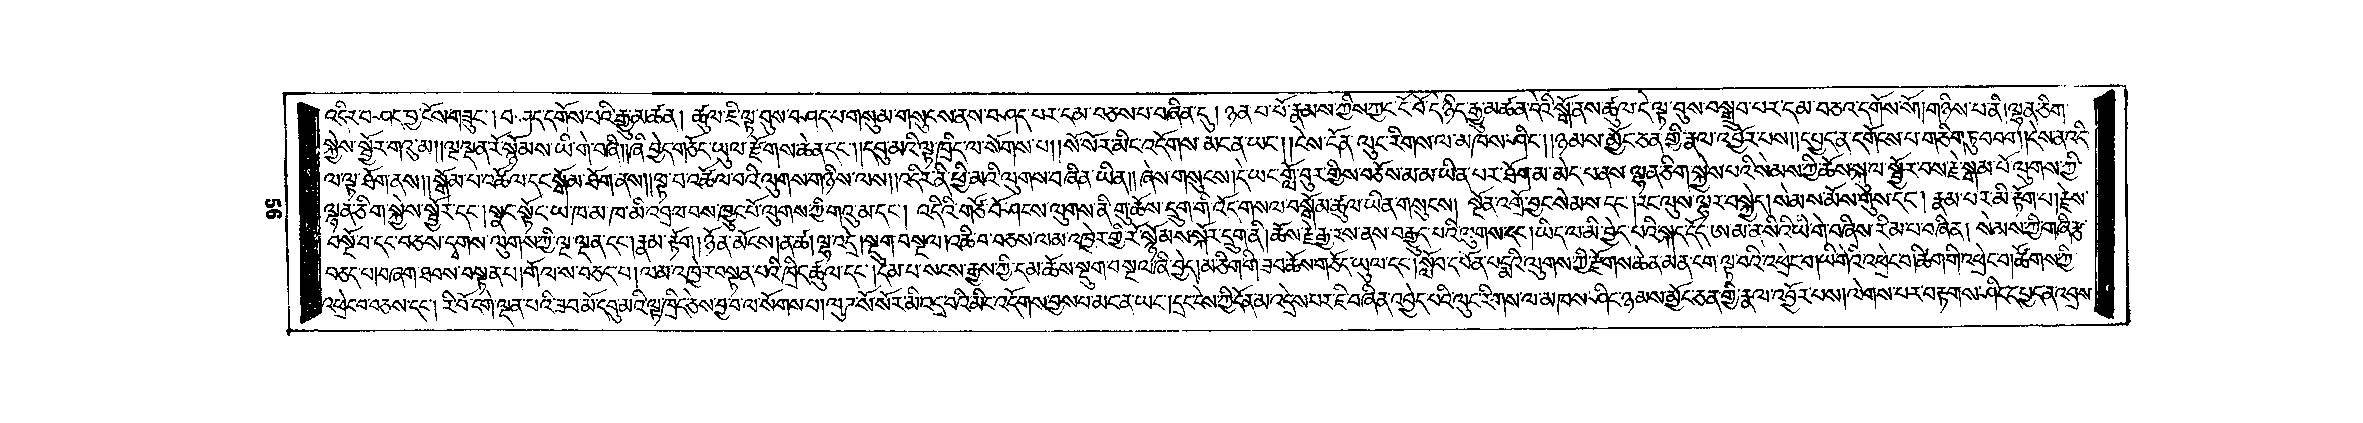འདིར་བཤད་བྱ་ངོས་གཟུང་། བཤད་དགོས་པའི་རྒྱུ་མཚན། ཚུལ་ཇི་ལྟ་བུས་བཤད་པ་གསུམ་གསུངས་ནས་བཤད་པར་དམ་བཅས་པ་བཞིན་དུ། ཉན་པ་པོ་རྣམས་ཀྱིས་ཀྱང་ངོ་བོ་དེ་ཉིད་རྒྱུ་མཚན་དེའི་སྒོ་ནས་ཚུལ་དེ་ལྟ་བུས་བསྒྲུབ་པར་དམ་བཅའ་དགོས་སོ། །གཉིས་པ་ནི། ལྷན་ཅིག་
སྐྱེས་སྦྱོར་གའུ་མ། །ལྔ་ལྡན་རོ་སྙོམས་ཡི་གེ་བཞི། །ཞི་བྱེད་གཅོད་ཡུལ་རྫོགས་ཆེན་དང་། །དབུ་མའི་ལྟ་ཁྲིད་ལ་སོགས་པ། །སོ་སོར་མིང་འདོགས་མང་ན་ཡང་། །ངེས་དོན་ལུང་རིགས་ལ་མཁས་ཤིང་། །ཉམས་མྱོང་ཅན་གྱི་རྣལ་འབྱོར་པས། །དཔྱད་ན་དགོངས་པ་གཅིག་ཏུ་བབས། །དེས་ན་འདི་
ལ་ལྟ་ཐོག་ནས། །སྒོམ་པ་འཚོལ་དང་སྒོམ་ཐོག་ནས། །ལྟ་བ་འཚོལ་བའི་ལུགས་གཉིས་ལས། །འདིར་ནི་ཕྱི་མའི་ལུགས་བཞིན་ཡིན། །ཞེས་གསུངས། དེ་ཡང་གློ་བུར་གྱིས་བཅོས་མ་མ་ཡིན་པར་ཐོག་མ་མེད་པ་ནས་ལྷན་ཅིག་སྐྱེས་པའི་སེམས་ཀྱི་ཆོས་སྐུ་ལ་སྦྱོར་བས་རྗེ་སྒམ་པོ་ལུགས་ཀྱི་
ལྷན་ཅིག་སྐྱེས་སྦྱོར་དང་། སྣང་སྟོང་ཡ་ཁ་མ་ཁ་མི་འབྲལ་བས་ཁྱུང་པོ་ལུགས་ཀྱི་གའུ་མ་དང་། འདིའི་གཙོ་བོ་ཤངས་ལུགས་ནི་གུ་ཆོས་དྲུག་གི་འོད་གསལ་བསྒོམ་ཚུལ་ཡིན་གསུངས། སྔོན་འགྲོ་བྱང་སེམས་དང་། རང་ལུས་ལྷར་བསྐྱེད། སེམས་མོས་གུས་དང་། རྣམ་པར་མི་རྟོག་པ། རྗེས་
བསྔོ་བ་དང་བཅས་དྭགས་ལུགས་ཀྱི་ལྔ་ལྡན་དང་། རྣམ་རྟོག །ཉོན་མོངས། ན་ཚ། ལྷ་འདྲེ། སྡུག་བསྔལ། འཆི་བ་བཅས་ལམ་འཁྱེར་གྱི་རོ་སྙོམས་སྐོར་དྲུག་ནི། ཆོས་རྗེ་རྒྱ་རས་ནས་བརྒྱུད་པའི་ལུགས་དང་། ཡིད་ལ་མི་བྱེད་པའི་སྐད་དོད་ཨ་མ་ན་སིའི་ཡི་གེ་བཞིས་རིམ་པ་བཞིན། སེམས་ཀྱི་གཞི་རྩ་
བཅད་པ། བཞག་ཐབས་བསྟན་པ། གོལ་ས་བཅད་པ། ལམ་འཁྱེར་བསྟན་པའི་ཁྲིད་ཚུལ་དང་། དམ་པ་སངས་རྒྱས་ཀྱི་དམ་ཆོས་སྡུག་བསྔལ་ཞི་བྱེད། མ་ཅིག་གི་ཟབ་ཆོས་གཅོད་ཡུལ་དང་། སློབ་དཔོན་པདམའི་ལུགས་ཀྱི་རྫོགས་ཆེན་མན་ངག་ལྟ་བའི་འཕྲེང་བ། ཡི་གེའི་འཕྲེང་བ། ཚིག་གི་འཕྲེང་བ། ཚོགས་ཀྱི་
འཕྲེང་བ་བཅས་དང་། རི་བོ་དགེ་ལྡན་པའི་ཟབ་མོ་དབུ་མའི་ལྟ་ཁྲིད་ཅེས་བྱ་བ་ལ་སོགས་པ། ལུགས་སོ་སོར་མི་འདྲ་བའི་མིང་འདོགས་བྱས་པ་མང་ན་ཡང་། དྲང་ངེས་ཀྱི་དོན་མ་འདྲེས་པར་ཇི་བཞིན་འབྱེད་པའི་ལུང་རིགས་ལ་མཁས་ཤིང་ཉམས་མྱོང་ཅན་གྱི་རྣལ་འབྱོར་པས། ལེགས་པར་བརྟགས་ཤིང་དཔྱད་ན་འབྲས་